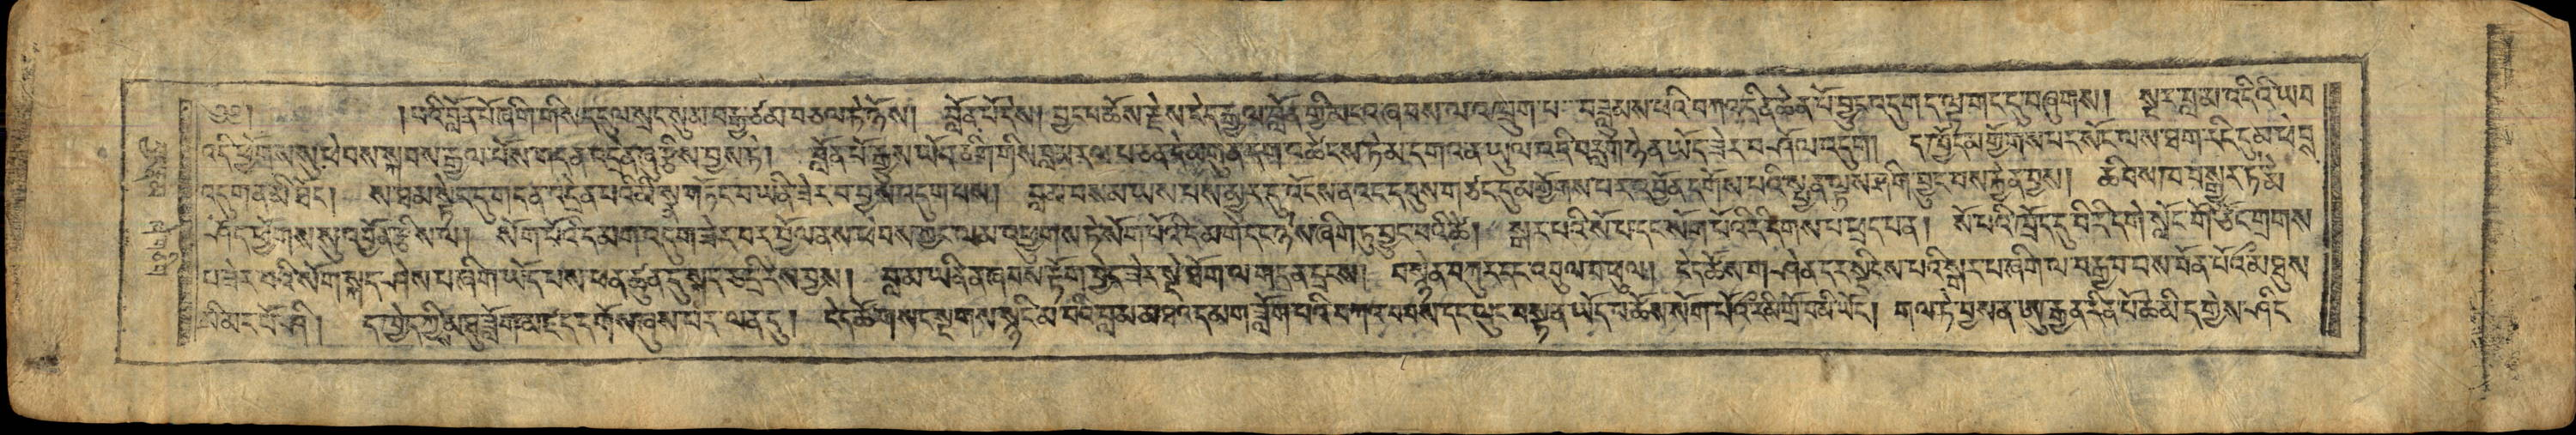༄༅། །པའི་བློན་པོ་ཞིག་གིས་དངུལ་སྲང་སུམ་བརྒྱ་ཙམ་བཅལ་ཏེ་ཉོས། བློན་པོ་དེས། བྱང་པ་ཆོས་རྗེས་ངེད་རྒྱལ་བློན་གྱི་མངའ་ཞབས་ལ་འཁྲུག་པ་བཟླུམས་པའི་བཀའ་དྲིན་ཆེན་པོ་བྱུང་འདུག་ད་ལྟ་གང་དུ་བཞུགས། སྔར་བླ་མ་འདིའི་ཡབ་
འདི་ཕྱོགས་སུ་ཕེབས་སྐབས་རྒྱལ་པོས་གདན་འདྲེན་ཞུ་རྩིས་བྱས་ཏེ། བློན་པོ་རྒྱུས་ཡོད་ཅིག་གིས་བླ་མ་རལ་པ་ཅན་དེ་མགུན་དག་འཚེངས་ཏེ་མ་དགའ་ན་ཡུལ་འདི་བརླག་ཉེན་ཡོད་ཟེར་བ་ཤོལ་འདུག། ད་ཁྱོད་མགྱོགས་པར་སོང་ལས་ཐག་རིང་དུམ་ཕབས་
འདུག་ན་མི་ཐོང་། ས་ཐམ་སྟེང་དུ་གདན་འདྲེན་པའི་མི་སྣ་ཏོང་བ་ཡིན་ཟེར་བ་བྱས་འདུག་པས། བླ་མ་བསམ་ཡས་པས་མྱུར་དུ་འོངས་ནའང་དབུས་གཙང་དུ་མགྱོགས་པར་འབྱོན་དགོས་པའི་སྤྱན་ལྟས་ཤིག་བྱུང་བས་རྐྱེན་བྱས། ཆིབས་ཁ་བསྒྱུར་ཏེ་རྨེ་
ཤོད་ཕྱོགས་སུ་འབྱོན་རྩིས་ལ། སོག་པོའི་དམག་འདུག་ཟེར་བར་བྱོལ་ནས་ཕེབས་ཀྱང་ལམ་འཕྱུགས་ཏེ་སོག་པོའི་དམག་དང་ཉེས་ཞིག་ཏུ་བྱུང་བའི་ཚེ། སྒར་པའི་སོ་པ་དང་སོག་པོའི་རི་དགས་པ་ཕྲད་པ་ན། སོ་པའི་ཁྲོད་དུ་བི་རི་དགེ་སློང་གོ་ཙོང་གྲགས་
པ་ཟེར་བའི་སོག་སྐད་ཤེས་པ་ཞིག་ཡོད་པས་ཕན་ཚུན་དུ་སྐད་ཆ་དྲི་རེས་བྱས། བླ་མ་ཡིན་ན་ཞབས་རྟོག་བྱེད་ཟེར་སྔེ་ཐོག་ལ་གདན་དྲངས། བསྙེན་བཀུར་དང་འབུལ་བ་ཕུལ། ངེད་ཚོས་གཤེན་དར་སྡིངས་པའི་སྒར་པ་ཞིག་ལ་བརྒྱབ་པ་ས་བོན་པོཨཱྀ་མཐུས་
མི་མང་པོ་ཤི། ད་ཁྱེད་ཀྱི་མཐུ་ཟློག་མཛད་དགོས་ཞུས་པར་ལན་དུ། ངེད་ཚོ་གསང་སྔགས་སྙིང་མ་བའི་བླ་མ་མཐའ་དམག་ཟློག་པའི་བཀའ་བབས་དང་ལུང་བསྟན་ཡོད་པ་ཚོས་སོག་པོའི་རིམ་གྲོ་བ་མི་ཡོང་། གལ་ཏེ་བྱས་ན་ཨུ་རྒྱན་རིན་པོ་ཆེ་མི་དགྱེས་ཤིང་